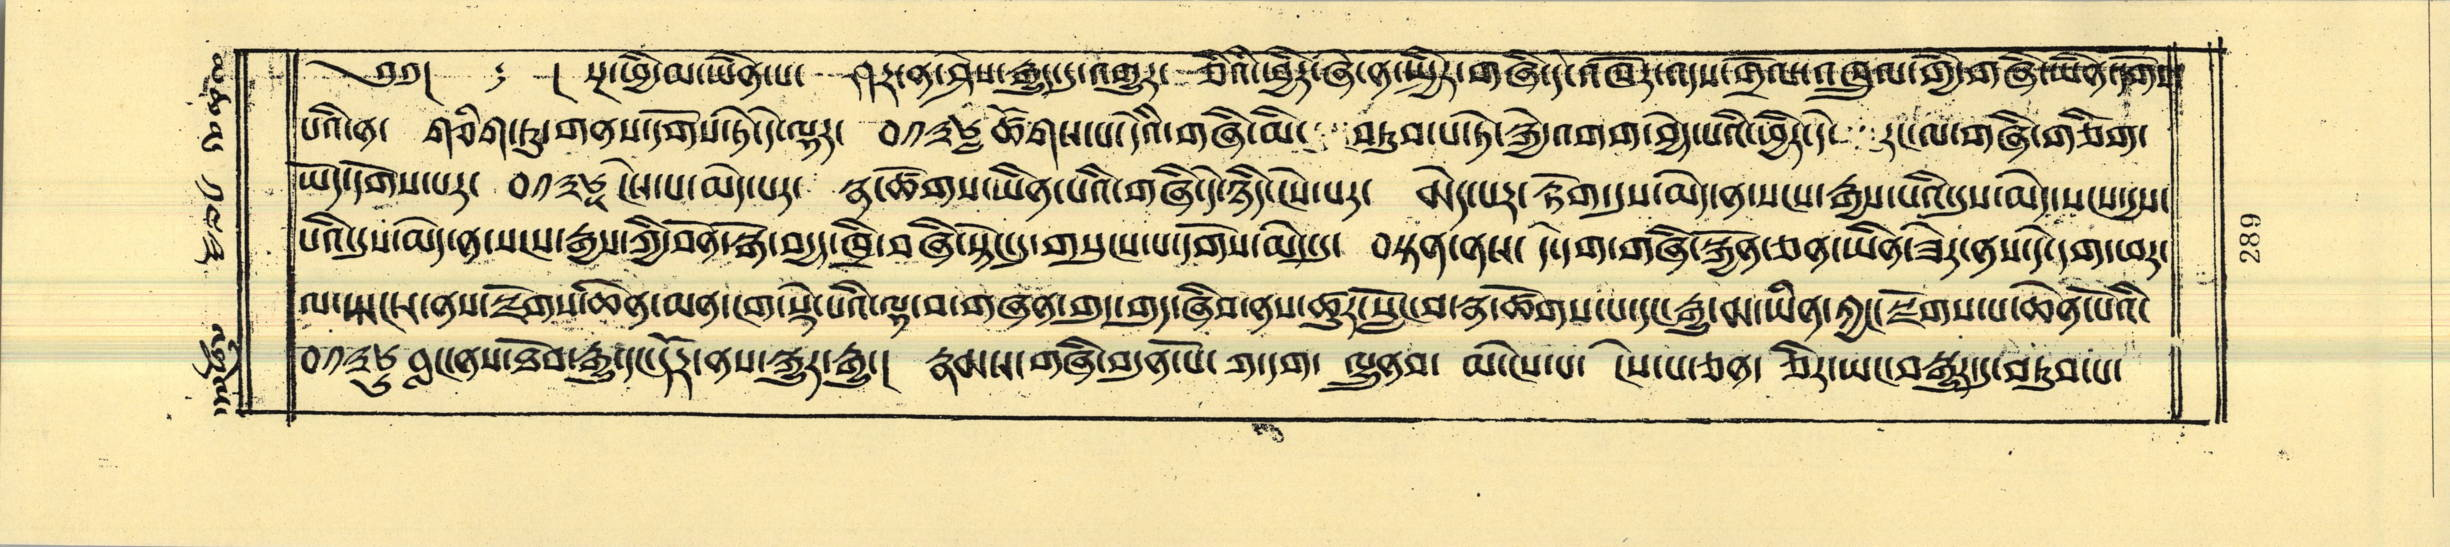སྔ་ཕྱི་མ་ཡིན་པ། ༼ཤར་ན་༽ཤེས་རྒྱུད་དུ་འགྱུར། ཅིའི་ཕྱིར་ཞེ་ན་སྤྱིར་གཞི་དེ་འཁོར་འདས་གྲོལ་འཁྲུལ་གྱི་གཞི་ཡིན་དགོས་
པའི་ན། ༼གཅིག་ཏུ་༽གནས་དགོས་ཏེ་དེ་ལྟར་བ༡༣༦།༤ ༼ཚོགས་པ་༽དེའི་གཞི་མི་བཏུབ་པ་ཏེ་སྐྱེ་འགག་བྱེད་པའི་ཕྱིར་དེ་རང་ལ་གཞི་གཅིག་
ཡོད་དགོས་པར་བ༡༣༦།༥ ༼ངེས་པ་༽མེད་པར། སྣ་ཚོགས་ཡིན་པའི་གཞི་དེ་ཉིད་ངེས་པར། ༼མེད་པར་༽རྟོག་དུས་མེད་ན་སངས་རྒྱས་པའི་དུས་མེད་སངས་རྒྱས་
པའི་དུས་མེད་ན་སངས་རྒྱས་ཀྱི་བོན་སྒོ་བརྒྱད་ཁྲི་བཞི་སྟོང་དུ་གསུངས་པ་དགོས་མེད་དུ། ༼བསྟན་ནས་༽དེ་དག་གཞི་སྐྱོན་ཅན་ཡིན་ཟེར་ནས་དེ་དག་ཕར་
ལ་སྤངས་ནས་སྫོགས་ཆེན་མན་ངག་སྡེ་པའི་ལྟ་བ་གཞན་གུད་གུད་ཞིབ་ནས་ཚུར་སློང་བ་སྣ་ཚོགས་པ་དང་རྒྱུ་ ༼མ་ཡིན་ཀྱང་༽སྫོགས་པ་ཆེན་པོའི་
བ༡༣༦།༦ ༼བླང་༽ནས་ཐོབ་རྒྱུ་དང་ ༼དོར་༽ནས་སྐྱུར་རྒྱུ། ༼རྣམས་༽གཞི་བདུན་པོ། ཀ་དག ལྷུན་གྲུབ། མ་ངེས་པ། ངེས་པ་ཅན། ཅིར་ཡང་བསྒྱུར་དུ་བཏུབ་པ་